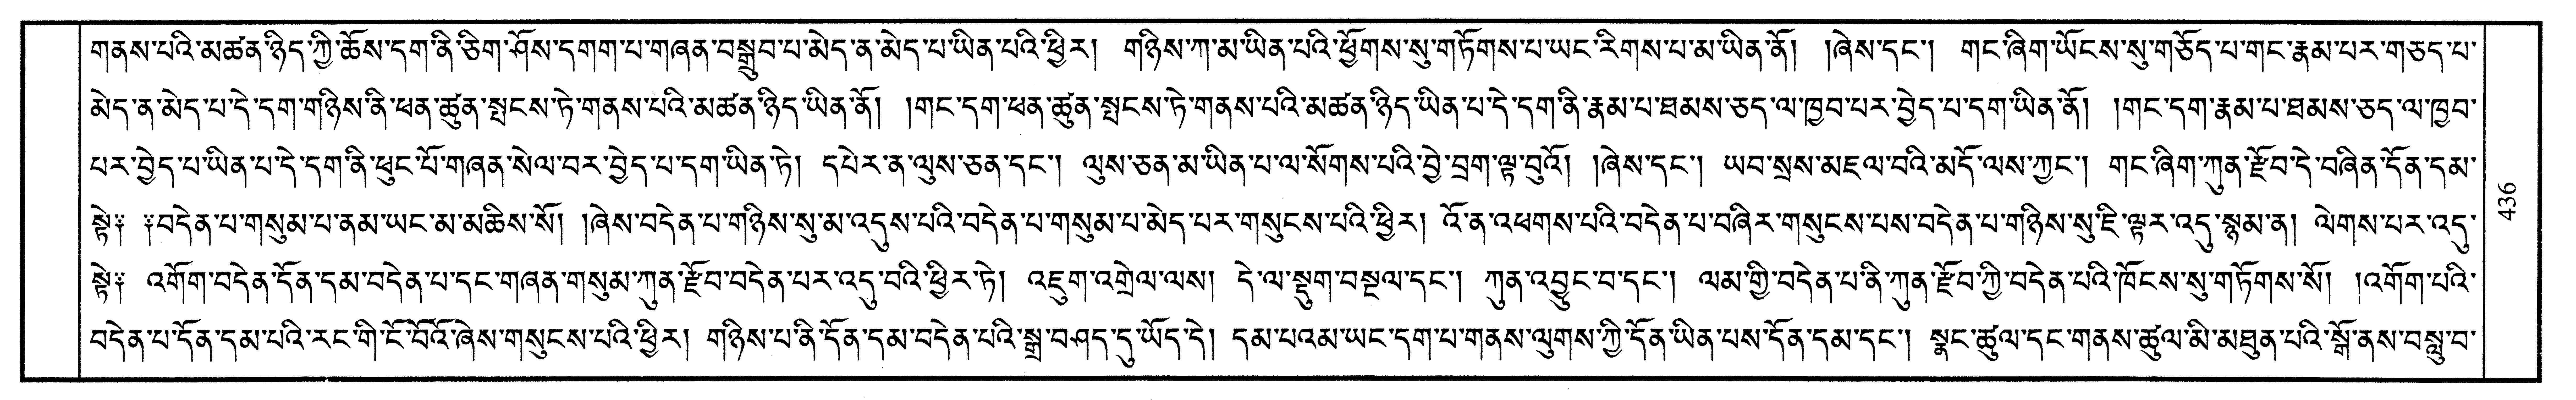གནས་པའི་མཚན་ཉིད་ཀྱི་ཆོས་དག་ནི་ཅིག་ཤོས་དགག་པ་གཞན་བསྒྲུབ་པ་མེད་ན་མེད་པ་ཡིན་པའི་ཕྱིར། གཉིས་ཀ་མ་ཡིན་པའི་ཕྱོགས་སུ་གཏོགས་པ་ཡང་རིགས་པ་མ་ཡིན་ནོ། །ཞེས་དང་། གང་ཞིག་ཡོངས་སུ་གཅོད་པ་གང་རྣམ་པར་གཅད་པ་
མེད་ན་མེད་པ་དེ་དག་གཉིས་ནི་ཕན་ཚུན་སྤངས་ཏེ་གནས་པའི་མཚན་ཉིད་ཡིན་ནོ། །གང་དག་ཕན་ཚུན་སྤངས་ཏེ་གནས་པའི་མཚན་ཉིད་ཡིན་པ་དེ་དག་ནི་རྣམ་པ་ཐམས་ཅད་ལ་ཁྱབ་པར་བྱེད་པ་དག་ཡིན་ནོ། །གང་དག་རྣམ་པ་ཐམས་ཅད་ལ་ཁྱབ་
པར་བྱེད་པ་ཡིན་པ་དེ་དག་ནི་ཕུང་པོ་གཞན་སེལ་བར་བྱེད་པ་དག་ཡིན་ཏེ། དཔེར་ན་ལུས་ཅན་དང་། ལུས་ཅན་མ་ཡིན་པ་ལ་སོགས་པའི་བྱེ་བྲག་ལྟ་བུའོ། །ཞེས་དང་། ཡབ་སྲས་མཇལ་བའི་མདོ་ལས་ཀྱང་། གང་ཞིག་ཀུན་རྫོབ་དེ་བཞིན་དོན་དམ་
སྟེ༑ ༑བདེན་པ་གསུམ་པ་ནམ་ཡང་མ་མཆིས་སོ། །ཞེས་བདེན་པ་གཉིས་སུ་མ་འདུས་པའི་བདེན་པ་གསུམ་པ་མེད་པར་གསུངས་པའི་ཕྱིར། འོ་ན་འཕགས་པའི་བདེན་པ་བཞིར་གསུངས་པས་བདེན་པ་གཉིས་སུ་ཇི་ལྟར་འདུ་སྙམ་ན། ལེགས་པར་འདུ་
སྟེ༑ འགོག་བདེན་དོན་དམ་བདེན་པ་དང་གཞན་གསུམ་ཀུན་རྫོབ་བདེན་པར་འདུ་བའི་ཕྱིར་ཏེ། འཇུག་འགྲེལ་ལས། དེ་ལ་སྡུག་བསྔལ་དང་། ཀུན་འབྱུང་བ་དང་། ལམ་གྱི་བདེན་པ་ནི་ཀུན་རྫོབ་ཀྱི་བདེན་པའི་ཁོངས་སུ་གཏོགས་སོ། །འགོག་པའི་
བདེན་པ་དོན་དམ་པའི་རང་གི་ངོ་བོའོ་ཞེས་གསུངས་པའི་ཕྱིར། གཉིས་པ་ནི་དོན་དམ་བདེན་པའི་སྒྲ་བཤད་དུ་ཡོད་དེ། དམ་པའམ་ཡང་དག་པ་གནས་ལུགས་ཀྱི་དོན་ཡིན་པས་དོན་དམ་དང་། སྣང་ཚུལ་དང་གནས་ཚུལ་མི་མཐུན་པའི་སྒོ་ནས་བསླུ་བ་